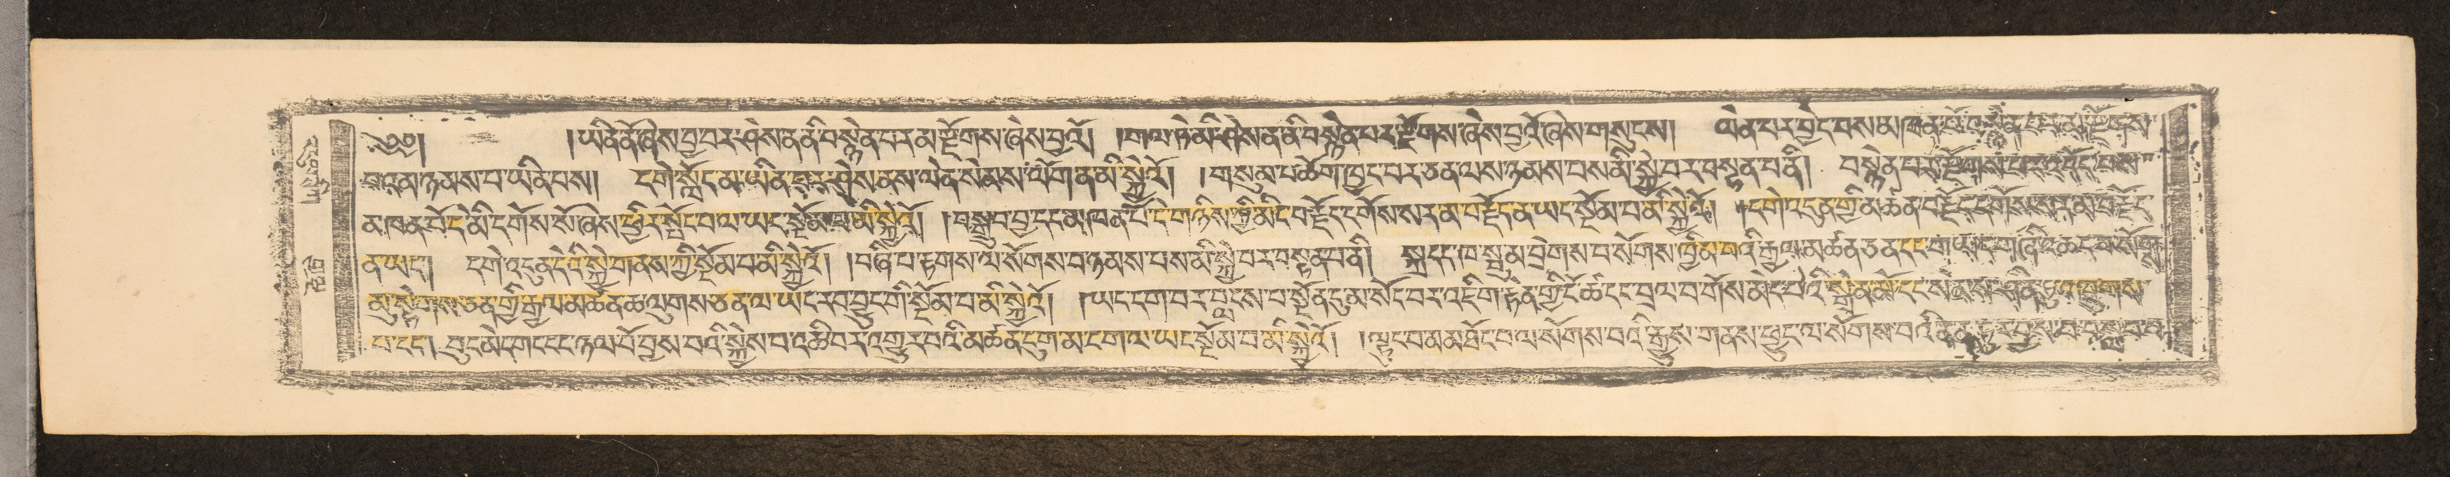༄༅། །ཡིན་ནོ་ཞེས་བྱ་བར་ཤེས་ན་ནི་བསྙེན་པར་མ་རྫོགས་ཞེས་བྱའོ། །གལ་ཏེ་མི་ཤེས་ན་ནི་བསྙེན་པར་རྫོགས་ཞེས་བྱའོ་ཞེས་གསུངས། ལེན་པར་བྱེད་པས་མཁན་པོ་བསྙེན་པར་མ་རྫོགས་
པའམ་ཉམས་པ་ཡིན་པས། དགེ་སློང་མ་ཡིན་པར་ཤེས་ནས་ལེན་སེམས་ལོག་ན་མི་སྐྱེའོ། །གསུམ་པ་ཆོ་ག་ཁྱད་པར་ཅན་ལས་ཉམས་པས་མི་སྐྱེ་བར་བསྟན་པ་ནི། བསྙེན་པར་རྫོགས་པར་འདོད་པས་
མཁན་པོ་དེ་མི་དགོས་སོ་ཞེས་ཕྱིར་སྤོང་བ་ལ་ཡང་སྡོམ་པ་མི་སྐྱེའོ། །བསྒྲུབ་བྱ་དང་མཁན་པོ་དེ་གཉིས་ཀྱི་མིང་བརྗོད་དགོས་སར་མ་བརྗོད་ན་ཡང་སྡོམ་པ་མི་སྐྱེའོ། །དགེ་འདུན་གྱི་མཚན་བརྗོད་དགོས་སར་མ་བརྗོད་
ན་ཡང་། དགེ་འདུན་དེའི་སྐྱེ་གནས་ཀྱི་སྡོམ་པ་མི་སྐྱེའོ། །བཞི་པ་རྟགས་ལ་སོགས་པ་ཉམས་པས་མི་སྐྱེ་བར་བསྟན་པ་ནི། སྐྲ་དང་ཁ་སྦུ་མ་བྲེགས་པ་སོགས་ཁྱིམ་པའི་རྒྱལ་མཚན་ཅན་དང་གཡང་གཞི་འཆང་བ་སོགས་
མུ་སྟེགས་ཅན་གྱི་རྒྱལ་མཚན་ཆ་ལུགས་ཅན་ལ་ཡང་རབ་བྱུང་གི་སྡོམ་པ་མི་སྐྱེའོ། །ཡང་དག་པར་སླངས་པ་སྔོན་དུ་མ་སོང་བར་འཇིག་རྟེན་གྱི་ངོ་ཚ་དང་བྲལ་བ་གོས་མེད་པའི་སྒྲེན་མོ་དང་སེམས་ཤིན་ཏུ་འཁྲུགས་
པ་དང་། བུད་མེད་གང་དང་ཉལ་པོ་བྱས་པའི་སྐྱེས་པ་འཆི་བར་འགྱུར་པའི་མཚན་དུག་མ་དག་ལ་ཡང་སྡོམ་པ་མི་སྐྱེའོ། །ལྟུང་བ་མ་མཐོང་བ་ལ་སོགས་པའི་རྒྱུས་གནས་ཕྱུང་ལ་སོགས་པའི་ནན་ཏུར་བྱས་པ་བསླབ་པ་